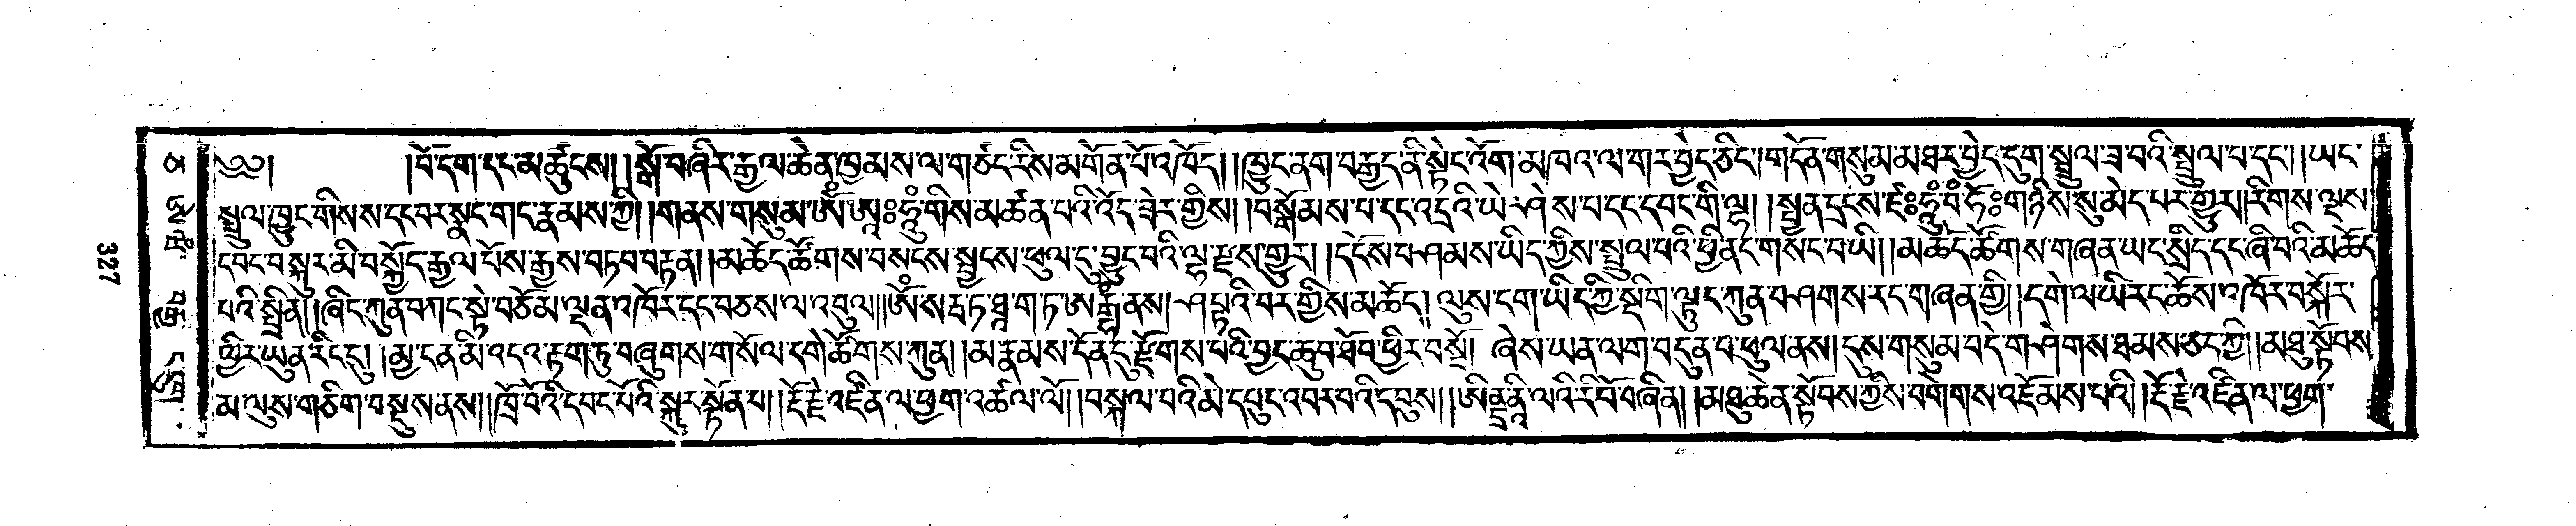༄༅། །བོ་དག་དང་མཚུངས། །སྒོ་བཞིར་རྒྱལ་ཆེན་ཁྱམས་ལ་གཙང་རིས་མགོན་པོ་འཁོད། །ཁྱུང་ནག་བརྒྱད་ནི་སྟེང་འོག་མཁའ་ལ་གར་བྱེད་ཅིང་། གདོན་གསུམ་མཐར་བྱེད་དུག་སྦྲུལ་ཟ་བའི་སྤྲུལ་པ་དང་། །ཡང་
སྦྲུལ་ཁྱུང་གིས་ས་དང་བར་སྣང་གང་རྣམས་ཀྱི། །གནས་གསུམ་ཨོཾ་ཨཱཿ ཧཱུཾ་གིས་མཚན་པའི་འོད་ཟེར་གྱིས། །བསྒོམས་པ་དང་འདྲའི་ཡེ་ཤེས་པ་དང་དབང་གི་ལྷ། །སྤྱན་དྲངས་ཛཿ ཧཱུཾ་བཾ་ཧོཿ གཉིས་སུ་མེད་པར་གྱུར། །རིགས་ལྔས་
དབང་བསྐུར་མི་བསྐྱོད་རྒྱལ་པོས་རྒྱས་བཏབ་བརྟན། །མཆོད་ཚོགས་བསངས་སྦྱངས་ཕུལ་དུ་བྱུང་བའི་ལྷ་རྫས་གྱུར། །དངོས་བཤམས་ཡིད་ཀྱིས་སྤྲུལ་པའི་ཕྱི་ནང་གསང་བ་ཡི། །མཆོད་ཚོགས་གཞན་ཡང་སྲིད་དང་ཞི་བའི་མཆོད་
པའི་སྤྲིན། །ཞིང་ཀུན་བཀང་སྟེ་བཅོམ་ལྡན་འཁོར་དང་བཅས་ལ་འབུལ། །ཨོཾ་སརྦ་ཏ་ཐཱ་ག་ཏ་ཨརྒྷཾ་ནས། ཤཔྟའི་བར་གྱིས་མཆོད། ལུས་ངག་ཡིད་ཀྱི་སྡིག་ལྟུང་ཀུན་བཤགས་རང་གཞན་གྱི། །དགེ་ལ་ཡི་རང་ཆོས་འཁོར་བསྐོར་
ཕྱིར་ཡུན་རིང་དུ། །མྱ་ངན་མི་འདའ་རྟག་ཏུ་བཞུགས་གསོལ་དགེ་ཚོགས་ཀུན། །མ་རྣམས་དོན་དུ་རྫོགས་པའི་བྱང་ཆུབ་ཐོབ་ཕྱིར་བསྔོ། ཞེས་ཡན་ལག་བདུན་པ་ཕུལ་ནས། དུས་གསུམ་བདེ་གཤེགས་ཐམས་ཅད་ཀྱི། །མཐུ་སྟོབས་
མ་ལུས་གཅིག་བསྡུས་ནས། །ཁྲོ་བོའི་དབང་པོའི་སྐུར་སྟོན་པ། །རྡོ་རྗེ་འཛིན་ལ་ཕྱག་འཚལ་ལོ། །བསྐལ་པའི་མེ་དཔུང་འབར་བའི་དབུས། །ཨིནྡྲ་ནཱི་ལའི་རི་བོ་བཞིན། །མཐུ་ཆེན་སྟོབས་ཀྱིས་བགེགས་འཇོམས་པའི། །རྡོ་རྗེ་འཛིན་ལ་ཕྱག་